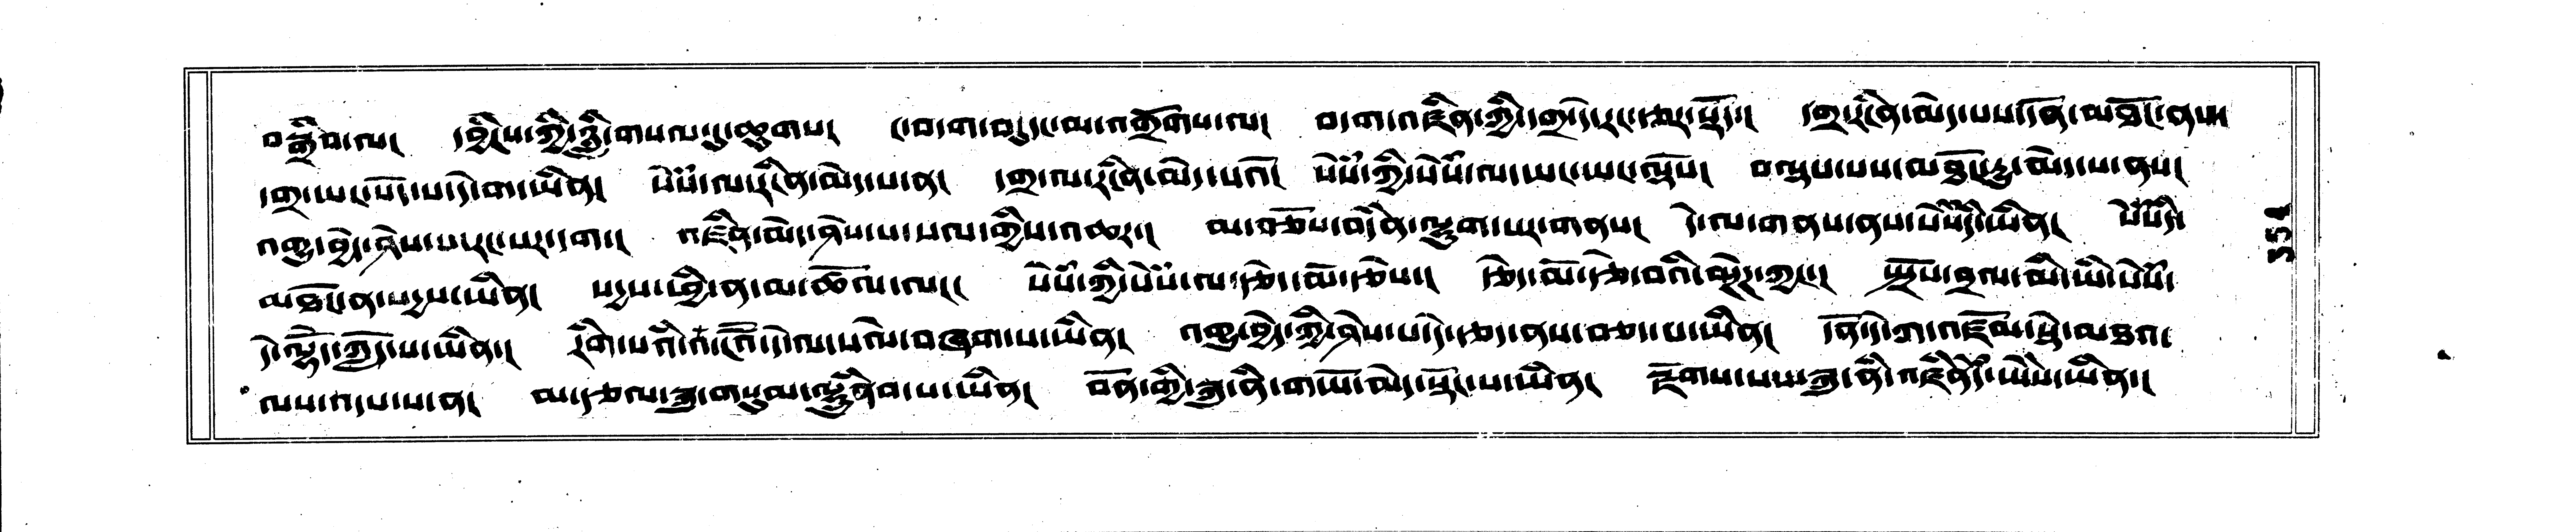སྒྲིབ་ལ། དབྱིངས་ཀྱི་ཉི་ཟླ་གསལ་དུ་ཆོལ། ང་བདག་བདུད་དང་མ་འདྲོལ་ལ། བདག་འཛིན་དགྲ་དེ་རང་སར་སོད། དགྲ་ལ་རང་བཞིན་མེད་པའི་དོན་མཐོང་ན། 
དགྲ་ཡང་སོད་པ་དེ་ཀ་ཡིན། སེམས་ལ་རང་བཞིན་མེད་པ་ན། དགྲ་ལ་རང་བཞིན་མེད་པའོ། སེམས་ཀྱིས་སེམས་ལ་ཡང་ཡང་ལྟོས་དང་། བལྟས་པས་མཐོང་རྒྱུ་མེད་པས་ན། 
འགྱུ་བྱེད་ཀྱིས་ཤེས་པ་རང་སར་དག འཛིན་མེད་ཤེས་པ་སལ་གྱིས་འཆར། མ་བཅོས་བདེ་ཆེན་ལྷུག་པ་༼པར༽གནས། དེ་ལ་གནས་པ་སེམས་ཉིད་ཡིན། སེམས་ཉིད་
མཐོང་ན་སངས་རྒྱས་ཡིན། སངས་རྒྱས་ཕྱི་ནས་མ་ཚོལ་ལ། སེམས་ཀྱིས་སེམས་ལ་རྩེད་མོ་རྩེས། རྩེད་མོ་རྩེ་བའི་མེན་ངག་ཀྱང་། སྤྲོས་བྲལ་གྱིས་སེམས་
དེ་ལྷོད་དེ་ཀློད་པ་ཡིན། རིག་པའི་ངོའོ་དེ་སལེ་བཞག་པ་ཡིན། འགྱུ་བྱེད་ཀྱིས་ཤེས་པ་དེ་རྩད་ནས་བཅད་པ་ཡིན། དོན་དེ་ཀ་འཛོམ་དེ་མཐའ་
ལས་འདས་པ་ཡིན་ན། མ་བཙལ་སྐུ་གསུམ་ལྷུན་གྱིས་གྲུབ་པ་ཡིན། བོན་གྱི་སྐུ་ནི་གཡོ་མེད་སྟོང་པ་ཡིན། རྫོགས་པའི་སྐུ་ནི་འཛིན་མེད་རང་གསལ་ཡིན།